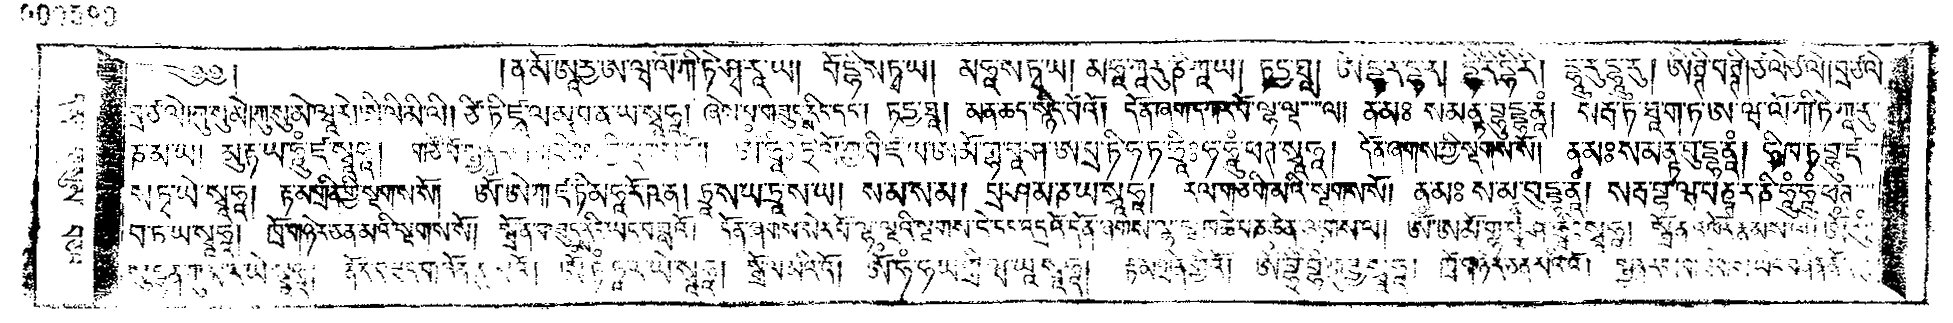༄༅། །ན་མོ་ཨཱརྱ་ཨ་ཝ་ལོ་ཀི་ཏེ་ཤྭ་རཱ་ཡ། བོདྷི་སཏྭ་ཡ། མ་ཧཱ་ས་ཏྭ་ཡ། མ་ཧཱ་ཀཱ་རུ་ཎི་ཀཱ་ཡ། ཏ་དྱ་ཐཱ། ཨོཾ་དྷ་ར་དྷ་ར། དྷི་རི་དྷི་རི། དྷཱུ་རུ་དྷཱུ་རུ། ཨིཊྚི་བཊྚི། ཙ་ལེ་ཙ་ལེ། བྲ་ཙ་ལེ་
བྲ་ཙ་ལེ། ཀུ་སུ་མེ། ཀུ་སུ་མེ་ཝཱ་རེ། ཨི་ལི་མི་ལི། ཙི་ཏི་ཛྭ་ལ་མཱ་བ་ན་ཡ་སྭཱཧཱ། ཞེས་པ་གཟུངས་རིང་དང་།  ཏདྱ་ཐཱ། མན་ཆད་སྙིང་པོའོ། དོན་ཞག་དཀར་པོ་ལྷ་ལྔ་ལ།  ན་མཿ ས་མནྟ་བྷུདྡྷ་ནཱཾ། སརྦ་ཏ་ཐཱ་ག་ཏ་ཨ་ཝ་ལོ་ཀི་ཏེ་ཀཱ་རུ་
ཎ་མ་ཡ། མུརྟ་ཡ་ཧཱུཾ་ཛ་སྭཱཧཱ། གཙོ་བོ་སྤྱན་རས་གཟིགས་ཀྱི་སྔགས་སོ།  ཨོཾ་ཧྲཱིཿ ཏྲཻ་ལོ་ཀྱ་བི་ཛ་ཡ་ཨ་མོ་གྷ་བཱ་ཤ་ཨ་པྲ་ཏི་ཧ་ཏ་ཧྲཱིཿ ཧ་ཧཱུཾ་ཕཊ་སྭཱཧཱ། དོན་ཞགས་ཀྱི་སྔགས་སོ། ན་མཿ ས་མནྟ་བུདྡྷ་ནཱཾ། ཧི་ཁ་ཏ་བྷུ་ཛ་
ས་ཏྭ་ཡེ་སྭཱཧཱ། རྟ་མགྲིན་གྱི་སྔགས་སོ།  ཨོཾ་ཨེ་ཀ་ཛ་ཏི་མཧཱ་རོ་ཥ་ན། ཏྲཱ་ས་ཡ་ཏྲཱ་ས་ཡ། ས་མ་ས་མ། པྲ་ཤ་མ་ཎ་ཡ་སྭཱཧཱ། རལ་གཅིག་མའི་སྔགས་སོ།  ན་མཿ ས་མན་བུདྡྷ་ནཱཾ། སརྦ་བྷ་ཝ་པཎྚ་ར་ཎི་ཧཱུཾ་ཧཱུཾ་ཕཊ་
བ་ཏ་ཡ་སྭཱཧཱ། ཁྲོ་གཉེར་ཅན་མའི་སྔགས་སོ། སྦྲོ་ན་གཟུངས་རིང་ཡང་བཟླའོ། དོན་ཞགས་སེར་པོ་ལྷ་ལྔའི་སྔགས་དེ་དང་འདྲའོ་དོན་ཞགས་ལྷ་ལྔ་ཁ་ཆེ་པཎ་ཆེན་ལུགས་ལ།  ཨོཾ་ཨ་མོ་གྷ་བཱ་ཤ་ཧྲཱིཿ སྭཱཧཱ། སྤྲོ་ན་འཁོར་རྣམས་ལ།  ཨོཾ་སུཾ་
སུ་དྷ་ན་ཀུ་མ་ར་ཡེ་སྭཱཧཱ། ནོར་བཟང་གཞོན་ནུ་ལའོ།  ཨོཾ་ཏཾ་ཏཱ་ར་ཡེ་སྭཱཧཱ། སྒྲོལ་མའི་འོ།  ཨོཾ་ཧཾ་ཧ་ཡ་གྲི་ཝ་ཡཱ་སྭཱཧཱ། རྟ་མགྲིན་གྱིའོ།  ཨོཾ་བྷྲིཾ་བྷི་ཀུ་ཊྱ་སྭཱཧཱ། ཁྲོ་གཉེར་ཅན་མའི་འོ། སྤྱན་རས་གཟིགས་ཡིད་བཞིན་ནོར་བུ་